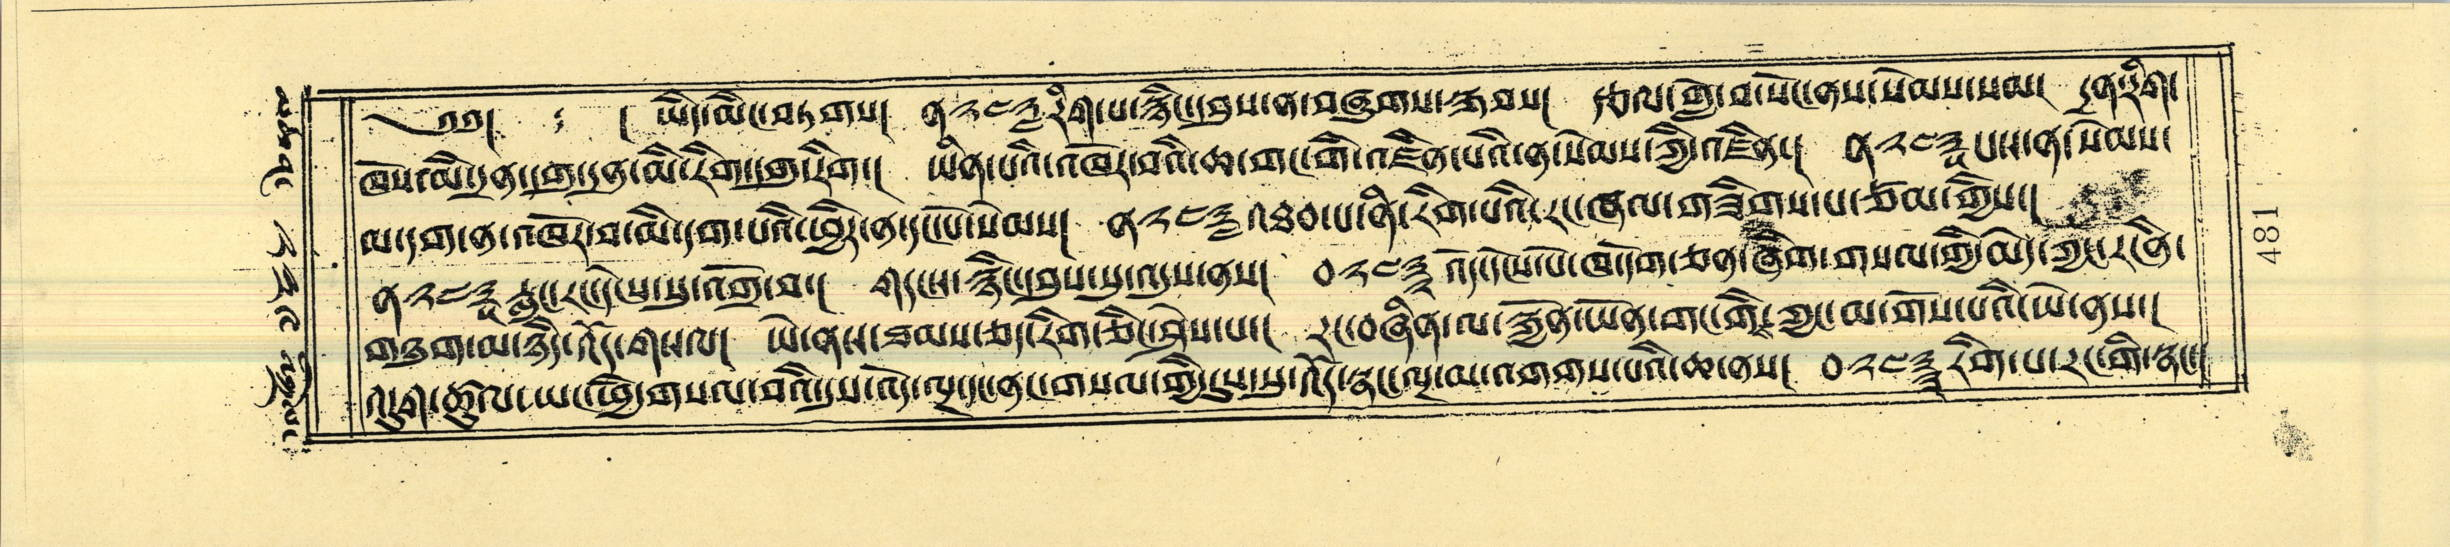ཡིད་མིང་བཏགས། ན༢༤༢།༤༼རིག་པ༽སྙིང་དབུས་ན་བཞུགས་སྐབས་༼རྩལ་༽གློ་བ་ནས་སེམས་སམ་ ༼དྲན་རིག༽
ཁོས་མི་དྲན་དགུ་དྲན་མི་རིག་དགུ་རིག་ཡིན་པའི་འཁོར་བའི་ཆ་གང་གི་འཛིན་པས་ན་སེམས་ཀྱིས་འཛིན་ན༢༤༣།༥༼པས་ན༽སེམས་
དག་མ་དག་ན་འཁོར་བ་མི་དག་པའི་ཕྱིར་དང་པོ་སེམས་ན༢༤༣།༤༼འཐབ་པ་ནི༽རིག་པའི་རང་ཞལ་གཟིགས་པ་ཙམ་གྱིས་
ན༢༤༣།༥༼རླུང་༽རང་དེངས་སུ་འགྲོ་བ་ ༼གདངས༽སྙིང་དབུས་སུ་འདུས་ནས་བ༢༤༣།༢འོད་དངོས་པོ་ཁ་དོག་ཅན་ཞིག་གསལ་གྱི་མེད་ཀྱང་རང་བཞིན་
གཉུག་མ་ཉིད་༼འོད་གསལ༽༼ཡེ་ནས༽ཐམས་ཅད་རིག་ཅིང་ཤེས་པ་ ༼རང་བཞིན༽ལ་སྐྱོན་ཡོན་གང་གིས་ཀྱང་མ་གོས་པའི་ཡེ་ནས་
༼འདུག་ཚུལ༽ཡང་ཕྱི་གསལ་བའི་དུས་འོད་ལྔ་དང་ནང་གསལ་གྱི་དུས་སུ་༼འོད་སྣང་༽ལྔ་མ་འགག་པའི་ཆ་ནས་བ༢༤༣།༣རིག་པ་རང་གི་སྣང་